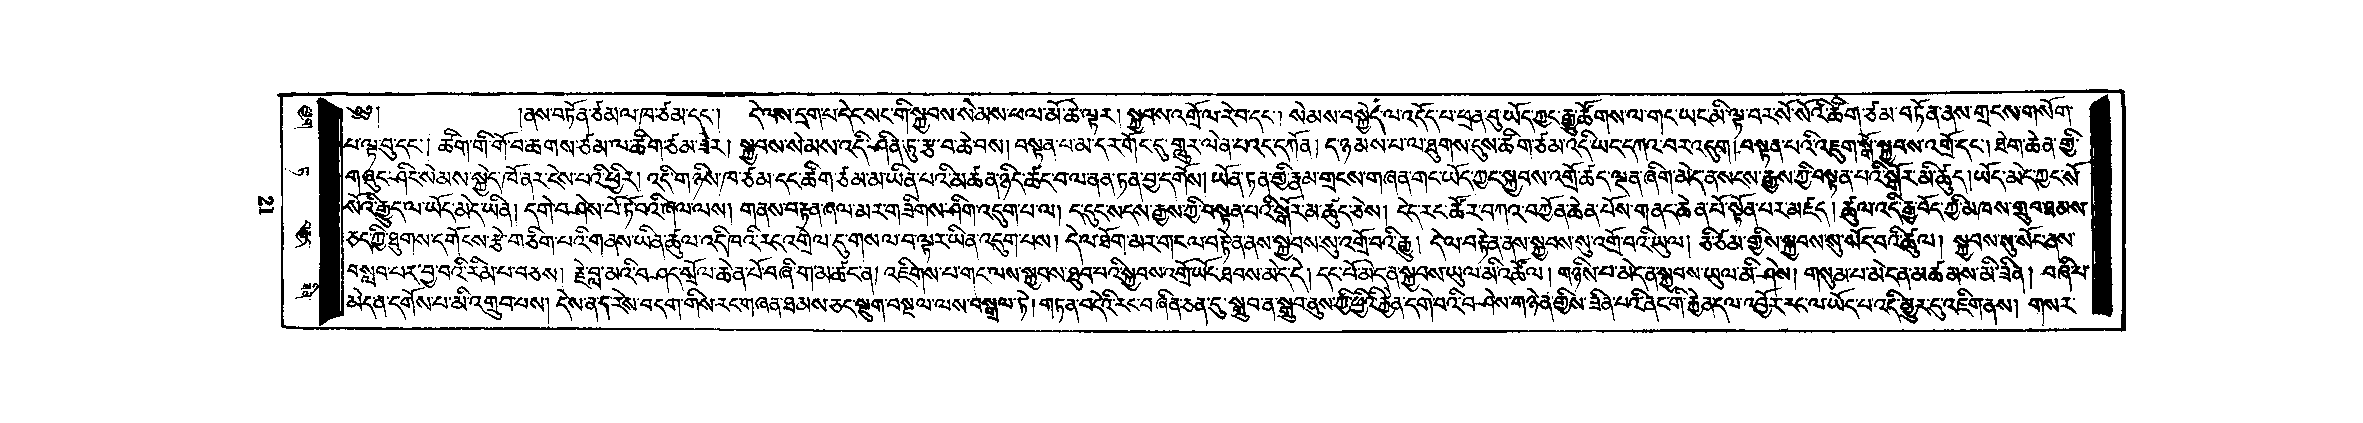༄༅། །ནས་བཏོན་ཙམ་ལ་ཁ་ཙམ་དང་། དེ་ལས་དྲག་པ་དེང་སང་གི་སྐྱབས་སེམས་ཕལ་མོ་ཆེ་ལྟར། སྐྱབས་འགྲོ་ལ་རེ་བ་དང་། སེམས་བསྐྱེད་ལ་འདོད་པ་ཕྲན་བུ་ཡོད་ཀྱང་རྒྱུ་ཚོགས་ལ་གང་ཡང་མི་ལྟ་བར་སོ་སོའི་ཚིག་ཙམ་བཏོན་ནས་གྲངས་གསོག་
པ་ལྟ་བུ་དང་། ཚིག་གི་གོ་བ་ཆགས་ཙམ་ལ་ཚིག་ཙམ་ཟེར། སྐྱབས་སེམས་འདི་ཤིན་ཏུ་རྩ་བ་ཆེ་བས། བསྟན་པ་མ་དར་གོང་དུ་གླུར་ལེན་པའང་དཀོན། ད་ཉམས་པ་ལ་ཐུགས་དུས་ཚིག་ཙམ་འདི་ཡང་དཀའ་བར་འདུག །བསྟན་པའི་འཇུག་སྒོ་སྐྱབས་འགྲོ་དང་། ཐེག་ཆེན་གྱི་
གཞུང་ཤིང་སེམས་སྐྱེད་ཁོ་ནར་ངེས་པའི་ཕྱིར། འདི་གཉིས་ཁ་ཙམ་དང་ཚིག་ཙམ་མ་ཡིན་པའི་མཚན་ཉིད་ཚང་བ་ལ་ནན་ཏན་བྱ་དགོས། ཡོན་ཏན་གྱི་རྣམ་གྲངས་གཞན་གང་ཡོད་ཀྱང་སྐྱབས་འགྲོ་ཚད་ལྡན་ཞིག་མེད་ན་སངས་རྒྱས་ཀྱི་བསྟན་པའི་སྒོར་མི་ཚུད། ཡོད་མེད་ཀྱང་སོ་
སོའི་རྒྱུད་ལ་ཡོད་མེད་ཡིན། དགེ་བཤེས་པོ་ཏོ་བའི་ཞལ་ལས། གནས་བརྟན་ཞལ་མར་གཟིགས་ཤིག་འདུག་པ་ལ། ད་དུང་སངས་རྒྱས་ཀྱི་བསྟན་པའི་སྒོར་མ་ཚུད་ཅེས། ངེད་རང་ཚོར་བཀའ་བཀྱོན་ཆེན་པོས་གནད་ཆེན་པོ་སྟོན་པར་མཛད། ཚུལ་འདི་རྒྱ་བོད་ཀྱི་མཁས་གྲུབ་ཐམས་
ཅད་ཀྱི་ཐུགས་དགོངས་རྩེ་གཅིག་པའི་གནས་ཡིན་ཚུལ་འདི་ཁའི་རང་འགྲེལ་དུ་གསལ་བ་ལྟར་ཡིན་འདུག་པས། དེ་ལ་ཐོག་མར་གང་ལ་བརྟེན་ནས་སྐྱབས་སུ་འགྲོ་བའི་རྒྱུ། དེ་ལ་བརྟེན་ནས་སྐྱབས་སུ་འགྲོ་བའི་ཡུལ། ཅི་ཙམ་གྱིས་སྐྱབས་སུ་སོང་བའི་ཚུལ། སྐྱབས་སུ་སོང་ནས་
བསླབ་པར་བྱ་བའི་རིམ་པ་བཅས། རྗེ་བླ་མའི་བཤད་སྲོལ་ཆེན་པོ་བཞི་ག་མ་ཚང་ན། འཇིགས་པ་གང་ལས་སྐྱབས་ཐུབ་པའི་སྐྱབས་འགྲོ་ཡོང་ཐབས་མེད་དེ། དང་པོ་མེད་ན་སྐྱབས་ཡུལ་མི་འཚོལ། གཉིས་པ་མེད་ན་སྐྱབས་ཡུལ་མི་ཤེས། གསུམ་པ་མེད་ན་མཚམས་མི་ཟིན། བཞི་པ་
མེད་ན་དགོས་པ་མི་འགྲུབ་པས། དེས་ན་ད་རེས་བདག་གིས་རང་གཞན་ཐམས་ཅད་སྡུག་བསྔལ་ལས་བསྒྲལ་ཏེ། གཏན་བདེའི་རང་བཞིན་ཅན་དུ་སྒྲུབ་ན་སྒྲུབ་ནུས་ཀྱི་ཕྱིའི་རྐྱེན་དགེ་བའི་བཤེས་གཉེན་གྱིས་ཟིན་པའི་ནང་གི་རྐྱེན་དལ་འབྱོར་རང་ལ་ཡོད་པ་འདི་མྱུར་དུ་འཇིག་ནས། གསར་